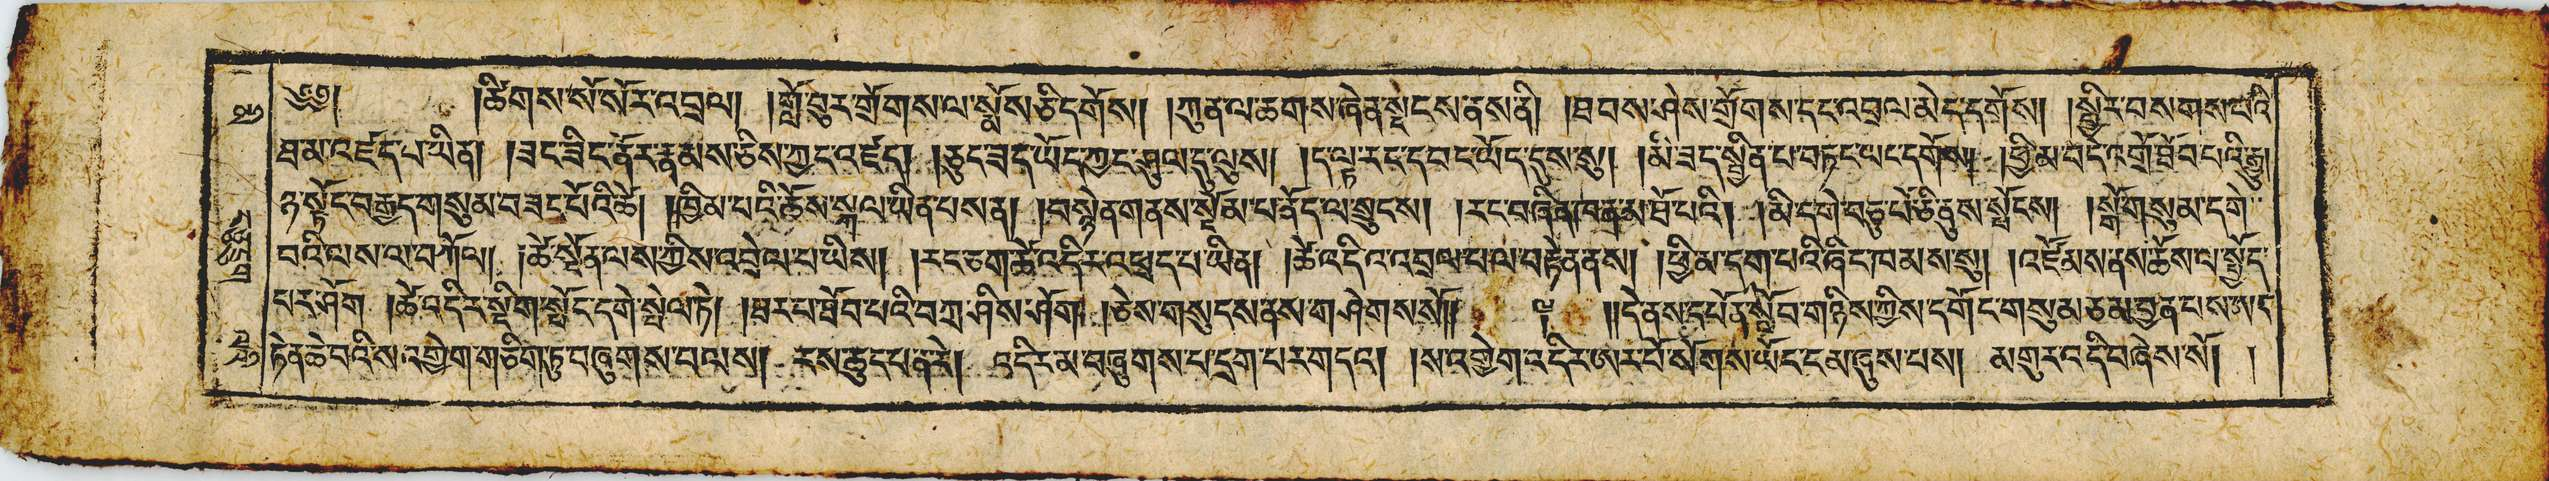ཚིགས་སོ་སོར་འབྲལ། །གློ་བུར་གྲོགས་ལ་སྨོས་ཅི་དགོས། །ཀུན་ལ་ཆགས་ཞེན་སྤངས་ནས་ནི། །ཐབས་ཤེས་གྲོགས་དང་འབྲལ་མེད་དགོས། །སྦྱིར་བསགས་པའི་
ཐ་མ་འཛད་པ་ཡིན། །ཟང་ཟིང་ནོར་རྣམས་ཅིས་ཀྱང་འཛད། །ཅུང་ཟད་ཡོད་ཀྱང་ཤུལ་དུ་ལུས། །ད་ལྟ་རང་དབང་ཡོད་དུས་སུ། །མི་ཟད་སྦྱིན་པ་བཏང་ཡང་དགོས། །ཕྱི་མ་བདེ་འགྲོ་ཐོབ་པའི་རྒྱུ། 
ཉ་སྟོང་བརྒྱད་གསུམ་བཟང་པོའི་ཚེ། །ཁྱིམ་པའི་ཆོས་སྐལ་ཡིན་པས་ན། །བསྙེན་གནས་སྡོམ་པ་ནོད་ལ་སྲུངས། །རང་བཞིན་ཁ་ན་མཐོ་བའི། །མི་དགེ་བཅུ་པོ་ཅི་ནུས་སྤོངས། །སྒོ་གསུམ་དགེ་
བའི་ལས་ལ་བཀྲོལ། །ཚེ་སྔོན་ལས་ཀྱིས་འབྲེལ་པ་ཡིས། །རང་ཅག་ཚེ་འདིར་འཕྲད་པ་ཡིན། །ཚེ་འདིའི་འབྲེལ་བ་ལ་བརྟེནནས། །ཕྱི་མ་དག་པའི་ཞིང་ཁམས་སུ། །འཛོམས་ནས་ཆོས་ལ་སྤྱོད་
པར་ཤོག །ཚེ་འདིར་སྡིག་སྤོང་དགེ་སྤེལ་ཏེ། །ཐར་པ་ཐོབ་པའི་བཀྲ་ཤིས་ཤོག །ཅེས་གསུངས་ནས་གཤེགས་སོ།། ༈ །།དེ་ནས་དཔོན་སློབ་གཉིས་ཀྱིས་དགོང་གསུམ་ཙམ་བྱོིན་པས་ཨང་
རྟེན་ཆེ་བའི་ས་འགྱིག་གཅིག་ཏུ་བཞུགས་པ་ལས། རས་ཆུང་པ་ན་རེ། འདིར་མ་བཞུགས་པ་དྲག་པར་གདའ། །ས་འགྱེག་འདིར་ཨར་པོ་སོགས་ཡོང་ངམ་ཞུས་པས། མགུར་འདི་བཞེས་སོ།